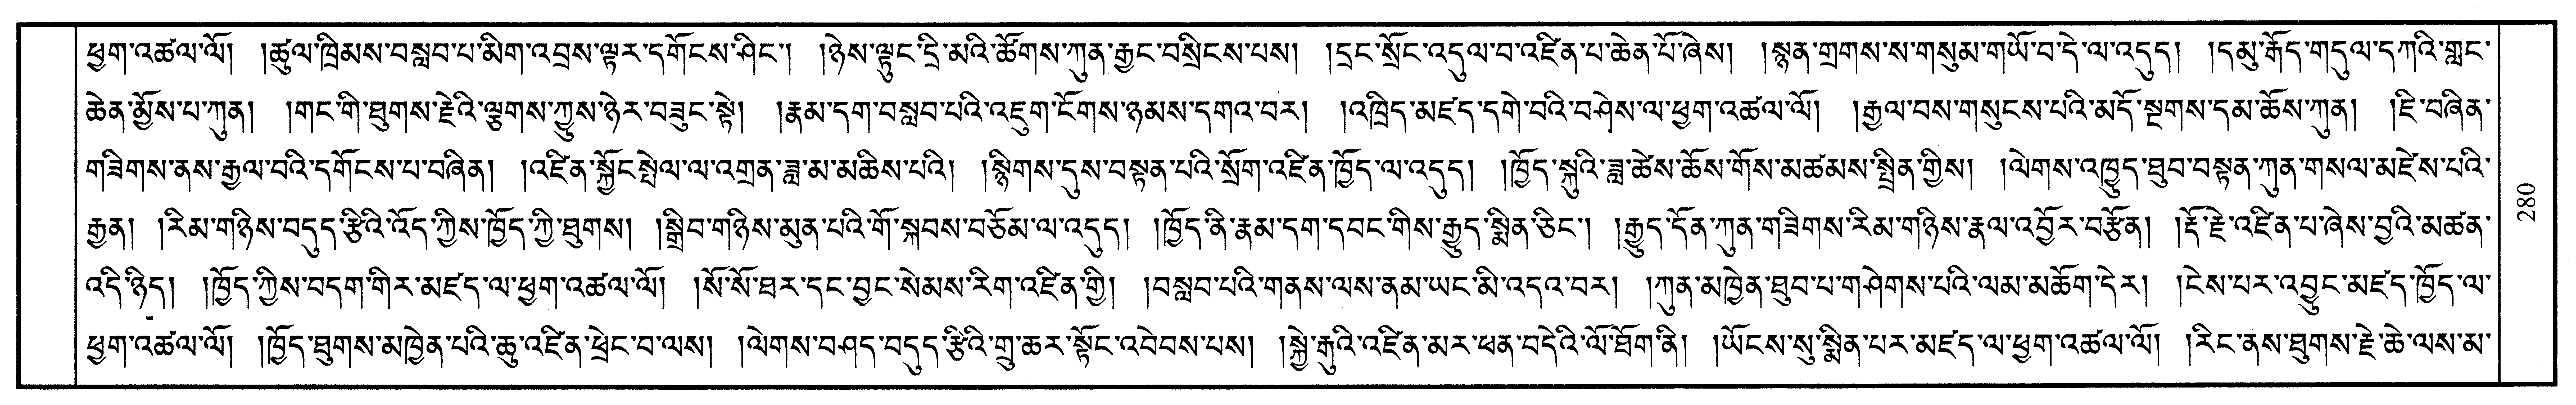ཕྱག་འཚལ་ལོ། །ཚུལ་ཁྲིམས་བསླབ་པ་མིག་འབྲས་ལྟར་དགོངས་ཤིང་། །ཉེས་ལྟུང་དྲི་མའི་ཚོགས་ཀུན་རྒྱང་བསྲིངས་པས། །དྲང་སྲོང་འདུལ་བ་འཛིན་པ་ཆེན་པོ་ཞེས། །སྙན་གྲགས་ས་གསུམ་གཡོ་བ་དེ་ལ་འདུད། །དམུ་རྒོད་གདུལ་དཀའི་གླང་
ཆེན་མྱོས་པ་ཀུན། །གང་གི་ཐུགས་རྗེའི་ལྕགས་ཀྱུས་ཉེར་བཟུང་སྟེ། །རྣམ་དག་བསླབ་པའི་འཇུག་ངོགས་ཉམས་དགའ་བར། །འཁྲིད་མཛད་དགེ་བའི་བཤེས་ལ་ཕྱག་འཚལ་ལོ། །རྒྱལ་བས་གསུངས་པའི་མདོ་སྔགས་དམ་ཆོས་ཀུན། །ཇི་བཞིན་
གཟིགས་ནས་རྒྱལ་བའི་དགོངས་པ་བཞིན། །འཛིན་སྐྱོང་སྤེལ་ལ་འགྲན་ཟླ་མ་མཆིས་པའི། །སྙིགས་དུས་བསྟན་པའི་སྲོག་འཛིན་ཁྱོད་ལ་འདུད། །ཁྱོད་སྐུའི་ཟླ་ཚེས་ཆོས་གོས་མཚམས་སྤྲིན་གྱིས། །ལེགས་འཁྱུད་ཐུབ་བསྟན་ཀུན་གསལ་མཛེས་པའི་
རྒྱན། །རིམ་གཉིས་བདུད་རྩིའི་འོད་ཀྱིས་ཁྱོད་ཀྱི་ཐུགས། །སྒྲིབ་གཉིས་མུན་པའི་གོ་སྐབས་བཅོམ་ལ་འདུད། །ཁྱོད་ནི་རྣམ་དག་དབང་གིས་རྒྱུད་སྨིན་ཅིང་། །རྒྱུད་དོན་ཀུན་གཟིགས་རིམ་གཉིས་རྣལ་འབྱོར་བརྩོན། །རྡོ་རྗེ་འཛིན་པ་ཞེས་བྱའི་མཚན་
འདི་ཉིད། །ཁྱོད་ཀྱིས་བདག་གིར་མཛད་ལ་ཕྱག་འཚལ་ལོ། །སོ་སོ་ཐར་དང་བྱང་སེམས་རིག་འཛིན་གྱི། །བསླབ་པའི་གནས་ལས་ནམ་ཡང་མི་འདའ་བར། །ཀུན་མཁྱེན་ཐུབ་པ་གཤེགས་པའི་ལམ་མཆོག་དེར། །ངེས་པར་འབྱུང་མཛད་ཁྱོད་ལ་
ཕྱག་འཚལ་ལོ། །ཁྱོད་ཐུགས་མཁྱེན་པའི་ཆུ་འཛིན་ཕྲེང་བ་ལས། །ལེགས་བཤད་བདུད་རྩིའི་གྲུ་ཆར་སྟོང་འབེབས་པས། །སྐྱེ་རྒུའི་འཛིན་མར་ཕན་བདེའི་ལོ་ཐོག་ནི། །ཡོངས་སུ་སྨིན་པར་མཛད་ལ་ཕྱག་འཚལ་ལོ། །རིང་ནས་ཐུགས་རྗེ་ཆེ་ལས་མ་